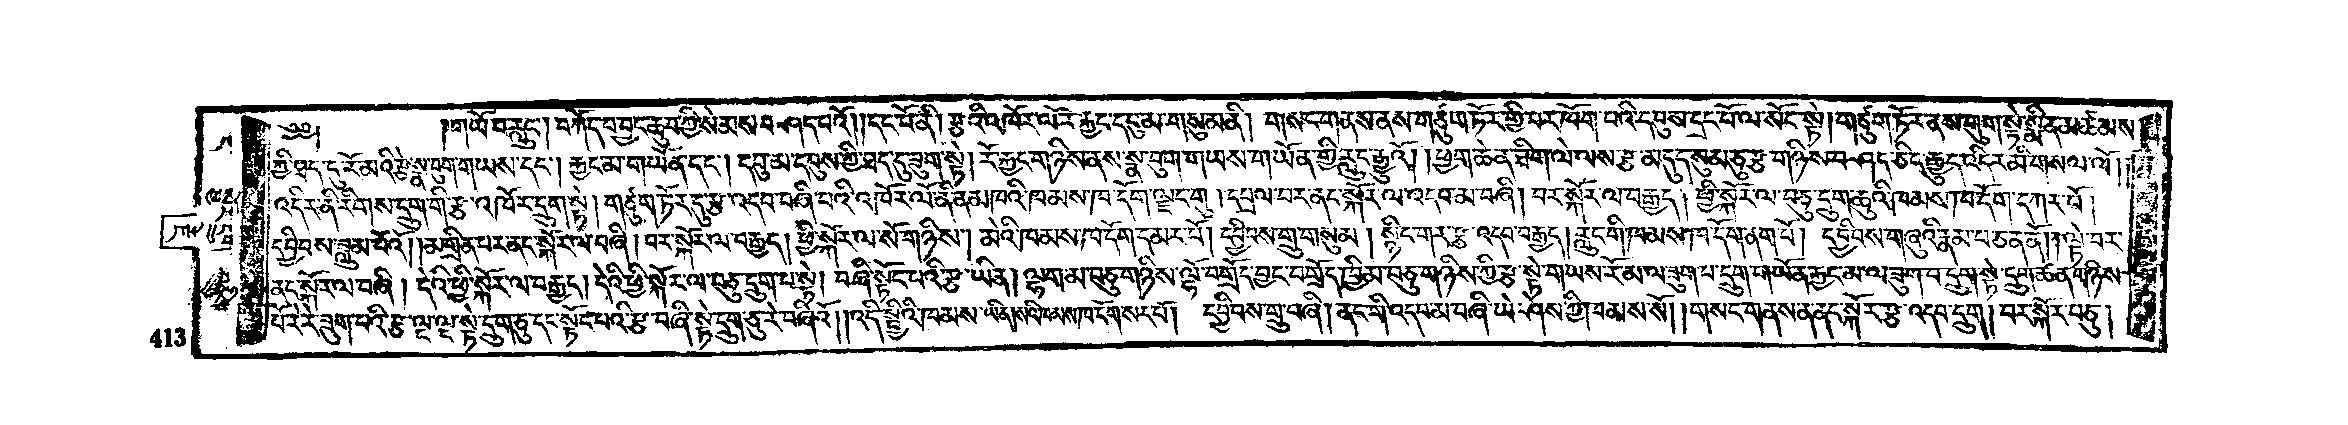༄༅། །གཡོ་བ་རླུང་། བཀོད་པ་བྱང་ཆུབ་ཀྱི་སེམས་བཤད་པའོ། །དང་པོ་ནི། རྩའི་འཁོར་ལོར་རྐྱང་དབུ་མ་གསུམ་ནི། གསང་གནས་ནས་གཙུག་ཏོར་གྱི་བར་ཁོག་པའི་དབུས་དྲང་པོ་ལ་སོང་སྟེ། གཙུག་ཏོར་ནས་གུག་སྟེ་སྨིན་མཚམས་
ཀྱི་ཐད་དུ་རོ་མའི་རྩེ་སྣ་བུག་གཡས་དང་། རྐྱང་མ་གཡོན་དང་། དབུ་མ་དབུས་ཀྱི་ཐད་དུ་ཟུག་སྟེ། རོ་རྐྱང་གཉིས་ནས་སྣ་བུག་གཡས་གཡོན་གྱི་རླུང་རྒྱུའོ། །ཕྱག་ཆེན་ཐིག་ལེ་ལས་རྩ་མདུད་སུམ་ཅུ་རྩ་གཉིས་བཤད་ཅིང་རྒྱུད་འདིར་མི་གསལ་ལོ། །
འདིར་ནི་རིགས་དྲུག་གི་རྩ་འཁོར་དྲུག་སྟེ། གཙུག་ཏོར་དུ་རྩ་འདབ་བཞི་པའི་འཁོར་ལོ་ནི་ནམ་མཁའི་ཁམས་ཁ་དོག་ལྗང་གུ། དཔྲལ་བར་ནང་སྐོར་ལ་འདབ་མ་བཞི། བར་སྐོར་ལ་བརྒྱད། ཕྱི་སྐོར་ལ་བཅུ་དྲུག་ཆུའི་ཁམས་ཁ་དོག་དཀར་པོ།
དབྱིབས་ཟླུམ་པོའོ། །མགྲིན་པར་ནང་སྐོར་ལ་བཞི། བར་སྐོར་ལ་བརྒྱད། ཕྱི་སྐོར་ལ་སོ་གཉིས། མེའི་ཁམས་ཁ་དོག་དམར་པོ། དབྱིབས་གྲུ་གསུམ། སྙིང་གར་རྩ་འདབ་བརྒྱད། རླུང་གི་ཁམས་ཁ་དོག་ནག་པོ། དབྱིབས་གཞུའི་རྣམ་པ་ཅན་ནོ། །ལྟེ་བར་
ནང་སྐོར་ལ་བཞི། དེའི་ཕྱི་སྐོར་ལ་བརྒྱད། དེའི་ཕྱི་སྐོར་ལ་བཅུ་དྲུག་པ་སྟེ། བཞི་སྟོང་པའི་རྩ་ཡིན། ལྷག་མ་བཅུ་གཉིས་ལྷོ་བགྲོད་བྱང་བགྲོད་ཁྱིམ་བཅུ་གཉིས་ཀྱི་རྩ་སྟེ་གཡས་རོ་མ་ལ་ཟུག་པ་དྲུག་གཡོན་རྐྱང་མ་ལ་ཟུག་པ་དྲུག་སྟེ་དྲུག་ཚན་གཉིས་
པོ་རེ་རེ་ཟུག་པའི་རྩ་ལྔ་ལྔ་སྟེ་དྲུག་ཅུ་དང་སྟོང་པའི་རྩ་བཞི་སྟེ་དྲུག་ཅུ་རེ་བཞིའོ། །འདི་སྤྱིའི་ཁམས་ཡིན། སའི་ཁམས་ཁ་དོག་སར་པོ།  དབྱིབས་གྲུ་བཞི། ནང་གི་འདབ་མ་བཞི་ཡེ་ཤེས་ཀྱི་ཁམས་སོ། །གསང་གནས་ན་ནང་སྐོར་རྩ་འདབ་དྲུག །བར་སྐོར་བཅུ།